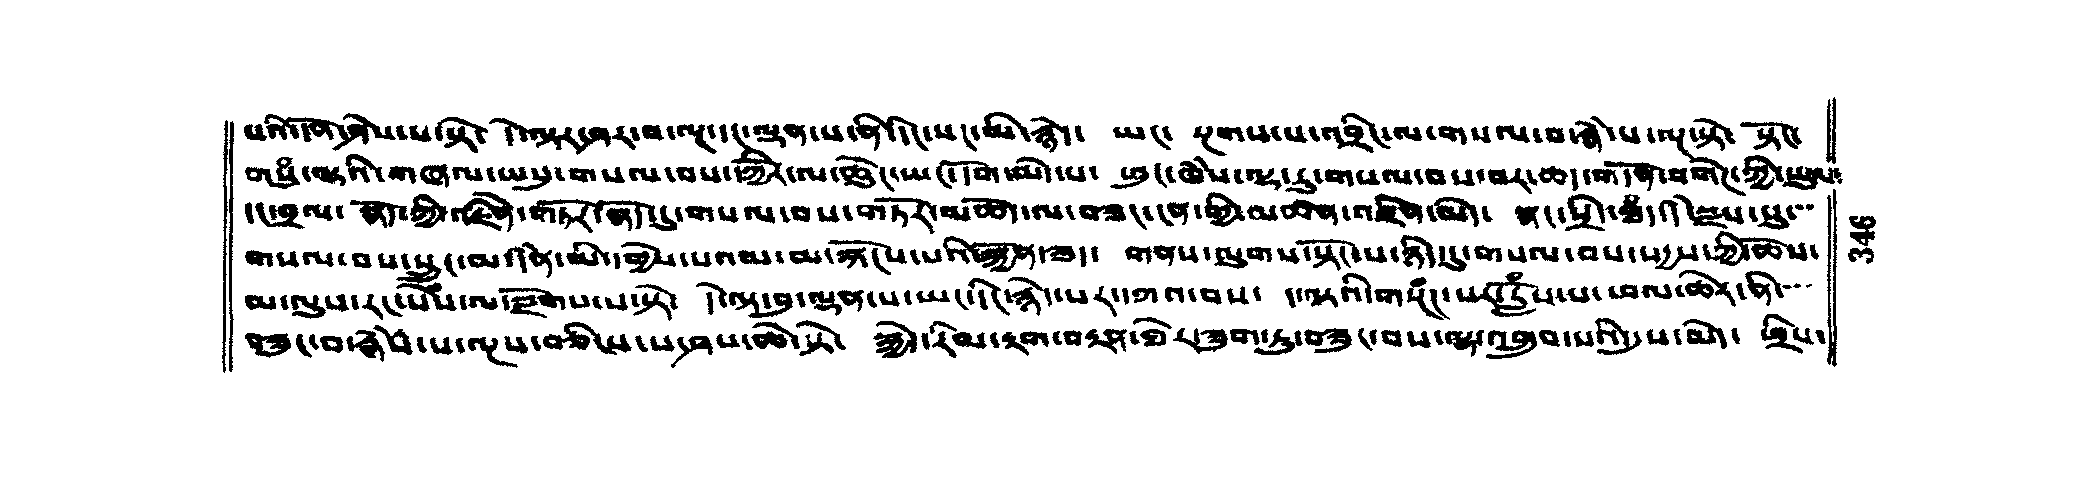དོན་ཤེས་པ་སྟེ། དེ་ལྟར་ཤར་བ་ལྔ་དང་ལྡན་པ་ནི་དིང་སང་མི་རྙེད། ཡང་སྔགས་པ་འབྲིང་ལ་གསལ་བ་རྣམ་པ་ལྔ་སྟེ། སྟོང་
གསུམ་ལྷའི་གཞལ་ཡས་སུ་གསལ་བའི་དཀྱིལ་འཁོར་ལ་ཆེ་ཆུང་ཡང་དོག་མེད་པ། ཕུང་ཁམས་ལྷ་རུ་གསལ་བས་བར་ཆད་་གདོན་བགེགས་ཀྱི་ཡུལ་
དང་བྲལ། སྣོད་ཀྱི་འཇིག་རྟེན་གཏོར་སྣོད་དུ་གསལ་བས་གཏོར་མཆོད་ལ་བཟང་ངན་གྱི་མཚན་འཛིན་མེད། སྣང་སྲིད་ཐམས་ཅད་དམ་རྫས་སུ་
གསལ་བས་སྲུང་མ་དམ་ཅན་མི་དགྱེས་པའམ་མ་སྐོངས་པའི་སྐྱོན་ཟད། གནས་ལུགས་སྟོང་པ་ཉིད་དུ་གསལ་བས་སངས་རྒྱས་ཀྱི་ཆོས་
མ་ལུས་རང་སེམས་ལ་རྫོགས་པ་སྟེ། དེ་ལྟ་བུ་ལྡན་པ་ཡང་དིང་སང་རྙེད་པར་དཀའ་བས། ད་ལྟའི་གསང་སྔགས་པར་རློམ་པ་ཕལ་ཆེར་ནི་
བཟུང་བ་རྣམ་པ་ལྔས་བཅིངས་པ་ཤས་ཆེ་སྟེ། བསྐྱེད་རིམ་རྟག་བརྟན་ཐེར་ཟུག་ཏུ་བཟུང་བས་ལྷ་འགྲུབ་པའི་དུས་མེད། ཕྲིན་ལས་